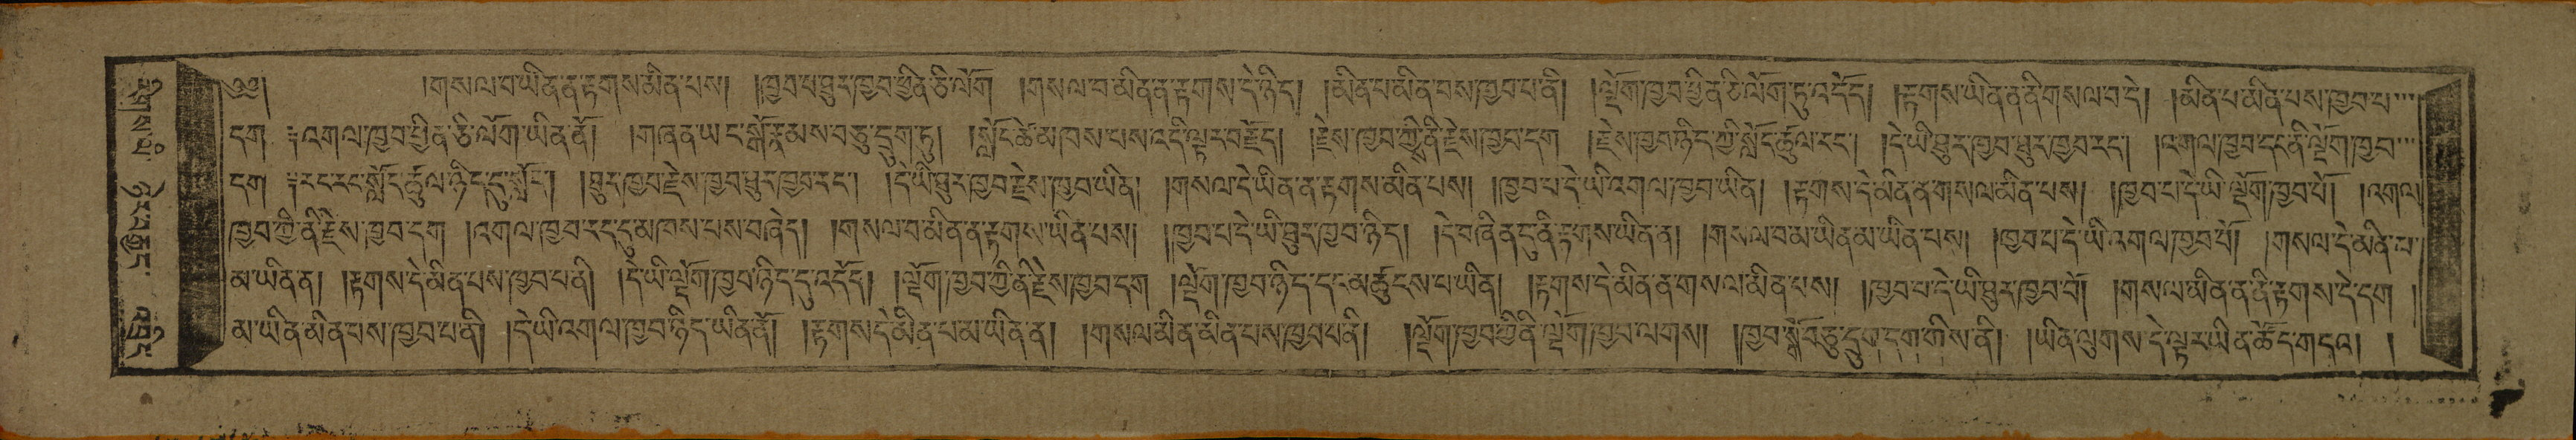༄༅། །གསལ་བ་ཡིན་ན་རྟགས་མིན་པས། །ཁྱབ་པ་ཐུར་ཁྱབ་ཕྱིན་ཅི་ལོག །གསལ་བ་མིན་ན་རྟགས་དེ་ཉིད། །མིན་པ་མིན་པས་ཁྱབ་པ་ནི། །ལྡོག་ཁྱབ་ཕྱིན་ཅི་ལོག་ཏུ་འདོད། །རྟགས་ཡིན་ན་ནི་གསལ་བ་དེ། །མིན་པ་མིན་པས་ཁྱབ་པ་
དག ༑འགལ་ཁྱབ་ཕྱིན་ཅི་ལོག་ཡིན་ནོ། །གཞན་ཡང་སྒོ་རྣམས་བཅུ་དྲུག་ཏུ། །སློང་ཚེ་མཁས་པས་འདི་ལྟར་བརྗོད། །རྗེས་ཁྱབ་ཀྱིས་ནི་རྗེས་ཁྱབ་དག །རྗེས་ཁྱབ་ཉིད་ཀྱི་སློད་ཚུལ་རང་། །དེ་ཡི་ཐུར་ཁྱབ་ཐུར་ཁྱབ་རང་། །འགལ་ཁྱབ་དང་ནི་ལྡོག་ཁྱབ་
དག ༑རང་རང་སློང་ཚུལ་ཉིད་དུ་སློང་། །ཐུར་ཁྱབ་རྗེས་ཁྱབ་ཐུར་ཁྱབ་རང་། །དེ་ཡི་ཐུར་ཁྱབ་རྗེས་ཁྱབ་ཡིན། །གསལ་དེ་ཡིན་ན་རྟགས་མིན་པས། །ཁྱབ་པ་དེ་ཡི་འགལ་ཁྱབ་ཡིན། །རྟགས་དེ་མིན་ན་གསལ་མིན་པས། །ཁྱབ་པ་དེ་ཡི་ལྡོག་ཁྱབ་བོ། །འགལ་
ཁྱབ་ཀྱི་ནི་རྗེས་ཁྱབ་དག །འགལ་ཁྱབ་རང་དུ་མཁས་པས་བཞེད། །གསལ་བ་མིན་ན་རྟགས་ཡིན་པས། །ཁྱབ་པ་དེ་ཡི་ཐུར་ཁྱབ་ཉིད། །དེ་བཞིན་དུ་ནི་རྟགས་ཡིན་ན། །གསལ་བ་མ་ཡིན་མ་ཡིན་པས། །ཁྱབ་པ་དེ་ཡི་འགལ་ཁྱབ་བོ། །གསལ་དེ་མིན་པ་
མ་ཡིན་ན། །རྟགས་དེ་མིན་པས་ཁྱབ་པ་ནི། །དེ་ཡི་ལྡོག་ཁྱབ་ཉིད་དུ་འདོད། །ལྡོག་ཁྱབ་ཀྱི་ནི་རྗེས་ཁྱབ་དག །ལྡོག་ཁྱབ་ཉིད་དང་མཚུངས་པ་ཡིན། །རྟགས་དེ་མིན་ན་གསལ་མིན་པས། །ཁྱབ་པ་དེ་ཡི་ཐུར་ཁྱབ་བོ། །གསལ་མིན་ན་ནི་རྟགས་དེ་དག།
མ་ཡིན་མིན་པས་ཁྱབ་པ་ནི། །དེ་ཡི་འགལ་ཁྱབ་ཉིད་ཡིན་ནོ། །རྟགས་དེ་མིན་པ་མ་ཡིན་ན། །གསལ་མིན་མིན་པས་ཁྱབ་པ་ནི། །ལྡོག་ཁྱབ་ཀྱི་ནི་ལྡོག་ཁྱབ་ལགས། །ཁྱབ་སྒོ་བཅུ་དྲུག་དག་གིས་ནི། །ཡིན་ལུགས་དེ་ལྟར་ཡིན་ཚོད་གདའ། །